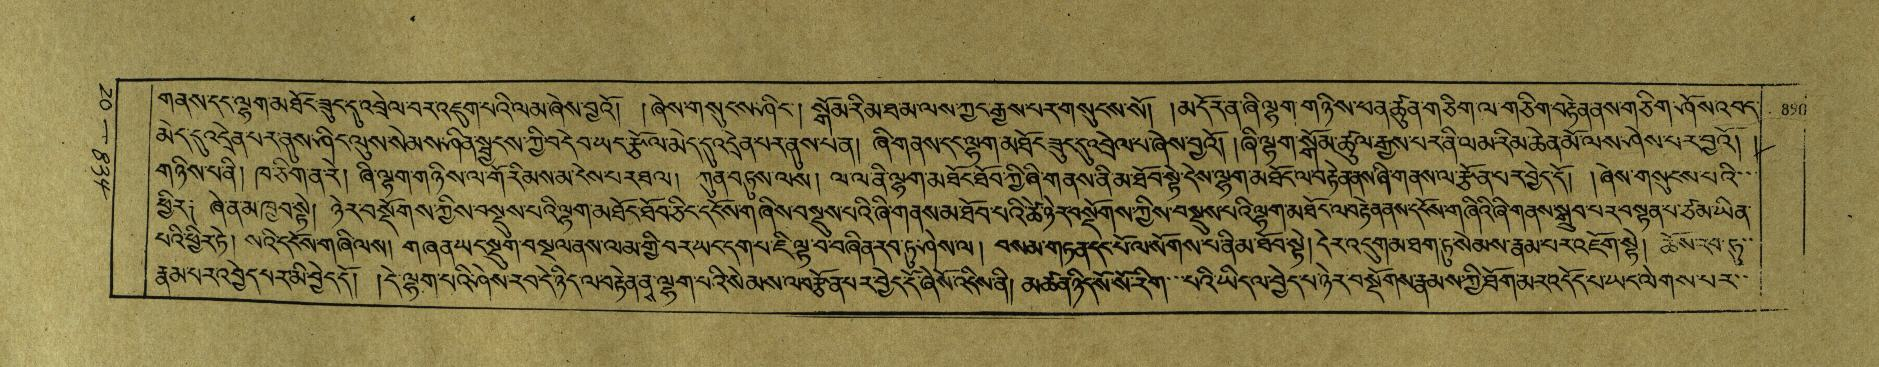གནས་དང་ལྷག་མཐོང་ཟུང་དུ་འབྲེལ་བར་འཇུག་པའི་ལམ་ཞེས་བྱའོ། །ཞེས་གསུངས་ཤིང་། སྒོམ་རིམ་ཐ་མ་ལས་ཀྱང་རྒྱས་པར་གསུངས་སོ། །མདོར་ན་ཞི་ལྷག་གཉིས་ཕན་ཚུན་གཅིག་ལ་གཅིག་བརྟེན་ནས་གཅིག་ཤོས་འབད་
མེད་དུ་འདྲེན་པར་ནུས་ཤིང་ལུས་སེམས་ཤིན་སྦྱངས་ཀྱི་བདེ་བ་ཡང་རྩོལ་མེད་དུ་འདྲེན་པར་ནུས་པ་ན། ཞི་གནས་དང་ལྷག་མཐོང་ཟུང་དུ་འབྲེལ་པ་ཞེས་བྱའོ། །ཞི་ལྷག་སྒོམ་ཚུལ་རྒྱས་པར་ནི་ལམ་རིམ་ཆེན་མོ་ལས་ཤེས་པར་བྱའོ། །
གཉིས་པ་ནི། ཁ་ཅིག་ན་རེ། ཞི་ལྷག་གཉིས་ལ་གོ་རིམས་མ་ངེས་པར་ཐལ། ཀུན་བཏུས་ལས། ལ་ལ་ནི་ལྷག་མཐོང་ཐོབ་ཀྱི་ཞི་གནས་ནི་མ་ཐོབ་སྟེ་དེས་ལྷག་མཐོང་ལ་བརྟེན་ནས་ཞི་གནས་ལ་རྩོན་པར་བྱེད་དོ། །ཞེས་གསུངས་པའི་
ཕྱིར༑ ཞེ་ན་མ་ཁྱབ་སྟེ། ཉེར་བསྡོགས་ཀྱིས་བསྡུས་པའི་ལྷག་མཐོང་ཐོབ་ཅིང་དངོས་གཞིས་བསྡུས་པའི་ཞི་གནས་མ་ཐོབ་པའི་ཚེ་ཉེར་བསྡོགས་ཀྱིས་བསྡུས་པའི་ལྷག་མཐོང་ལ་བརྟེན་ནས་དངོས་གཞིའི་ཞི་གནས་སྒྲུབ་པར་བསྟན་པ་ཙམ་ཡིན་
པའི་ཕྱིར་ཏེ། སའི་དངོས་གཞི་ལས། གཞན་ཡང་སྡུག་བསྔལ་ནས་ལམ་གྱི་བར་ཡང་དག་པ་ཇི་ལྟ་བ་བཞིན་རབ་ཏུ་ཤེས་ལ། བསམ་གཏན་དང་པོ་ལ་སོགས་པ་ནི་མ་ཐོབ་སྟེ། དེར་འདུག་མ་ཐག་ཏུ་སེམས་རྣམ་པར་འཇོག་སྟེ། ཆོས་རབ་ཏུ་
རྣམ་པར་འབྱེད་པར་མི་བྱེད་དོ། །དེ་ལྷག་པའི་ཤེས་རབ་དེ་ཉིད་ལ་བརྟེན་ནས་ལྷག་པའི་སེམས་ལ་བརྩོན་པར་བྱེད་དོ་ཞེ་སོ་འདིས་ནི། མཚན་ཉིད་སོ་སོ་རིག་པའི་ཡིད་ལ་བྱེད་པ་ཉེར་བསྔོགས་རྣམས་ཀྱི་ཐོག་མར་འདོད་པ་ཡང་ལེགས་པར་